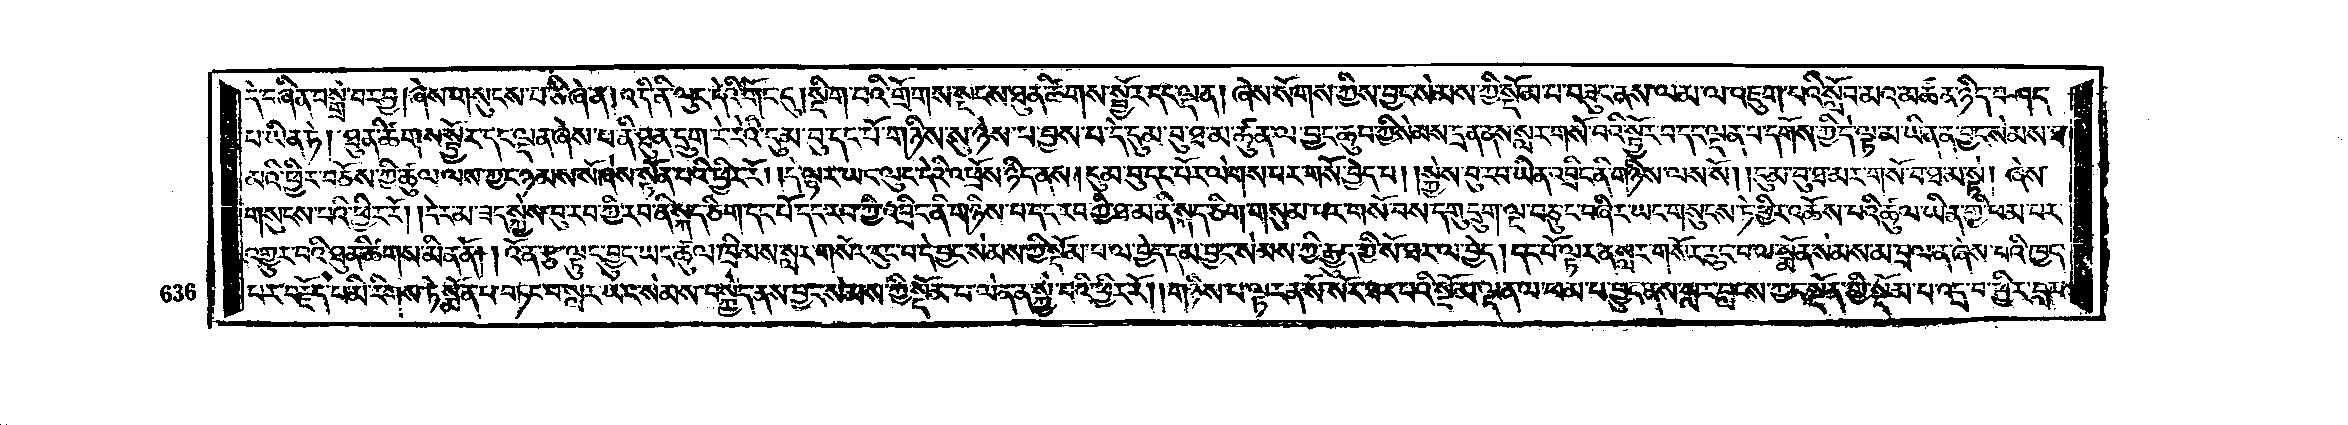དེ་བཞིན་བསྒྲེ་བར་བྱ། ཞེས་གསུངས་པ་ཅི་ཞེ་ན། འདི་ནི་ལུང་དེའི་གོང་དུ། སྡིག་པའི་གྲོགས་སྤངས་ཐུན་ཚིགས་སྦྱོར་དང་ལྡན། ཞེས་སོགས་ཀྱིས་བྱང་སེམས་ཀྱི་སྡོམ་པ་བཟུང་ནས་ལམ་ལ་འཇུག་པའི་སློབ་མའི་མཚན་ཉིད་བཤད་
པ་ཡིན་ཏེ། ཐུན་ཚིགས་སྦྱོར་དང་ལྡན་ཞེས་པ་ནི་ཐུན་དྲུག་རེ་རེའི་དུམ་བུ་དང་པོ་གཉིས་སུ་ཉེས་པ་བྱས་པ་དེ་དུམ་བུ་ཐ་མ་ཚུན་ལ་བྱང་ཆུབ་ཀྱི་སེམས་དྲན་ནས་སླར་གསོ་བའི་སྦྱོར་བ་དང་ལྡན་པ་དགོས་ཀྱི་དེ་ལྟ་མ་ཡིན་ན་བྱང་སེམས་ཐ་
མའི་ཕྱིར་བཅོས་ཀྱི་ཚུལ་ལས་ཀྱང་ཉམས་སོ་ཞེས་སྟོན་པའི་ཕྱིར་རོ། །དེ་ལྟར་ཡང་ལུང་དེའི་འཕྲོས་ཉིད་ནས། དུམ་བུ་དང་པོར་ལེགས་པར་གསོ་བྱེད་པ། །སྐྱེས་བུ་རབ་ཡིན་འབྲིང་ནི་གཉིས་ལས་སོ། །དུམ་བུ་ཐ་མར་གསོ་བ་ཐ་མ་སྟེ། ཞེས་
གསུངས་པའི་ཕྱིར་རོ། །དེར་མ་ཟད་སྐྱེས་བུ་རབ་ཀྱི་རབ་ནི་སྐད་ཅིག་དང་པོ་དང་རབ་ཀྱི་འབྲིང་ནི་གཉིས་པ་དང་རབ་ཀྱི་ཐ་མ་ནི་སྐད་ཅིག་གསུམ་པར་གསོ་བས་དགུ་དྲུག་ལྔ་བཅུ་ང་བཞིར་ཡང་གསུངས་ཏེ་ཕྱིར་འཆོས་པའི་ཚུལ་ཡིན་གྱི་ཕམ་པར་
འགྱུར་བའི་ཐུན་ཚིགས་མིན་ནོ། །འོ་ན་རྩ་ལྟུང་བྱུང་ཡང་ཚུལ་ཁྲིམས་སླར་གསོར་རུང་བ་དེ་བྱང་སེམས་ཀྱི་སྡོམ་པ་ལ་བྱེད་དམ་བྱང་སེམས་ཀྱི་རྒྱུད་ཀྱི་སོ་ཐར་ལ་བྱེད། དང་པོ་ལྟར་ན་སླར་གསོར་རུང་བ་ལ་སྨོན་སེམས་མ་བྲལ་ན་ཞེས་པའི་ཁྱད་
པར་བརྗོད་པ་མི་རིགས་ཏེ་སྨོན་པ་བཏང་བ་སླར་ཡང་སེམས་བསྐྱེད་ནས་བྱང་སེམས་ཀྱི་སྡོམ་པ་ལེན་ན་སྐྱེ་བའི་ཕྱིར་རོ། །གཉིས་པ་ལྟར་ན་སོ་སོར་ཐར་པའི་སྡོམ་ལྡན་ལ་ཕམ་པ་བྱུང་ནས་སླར་བླངས་ཀྱང་སྔོན་གྱི་སྡོམ་པ་འདྲ་བ་ཕྱིར་བླང་?